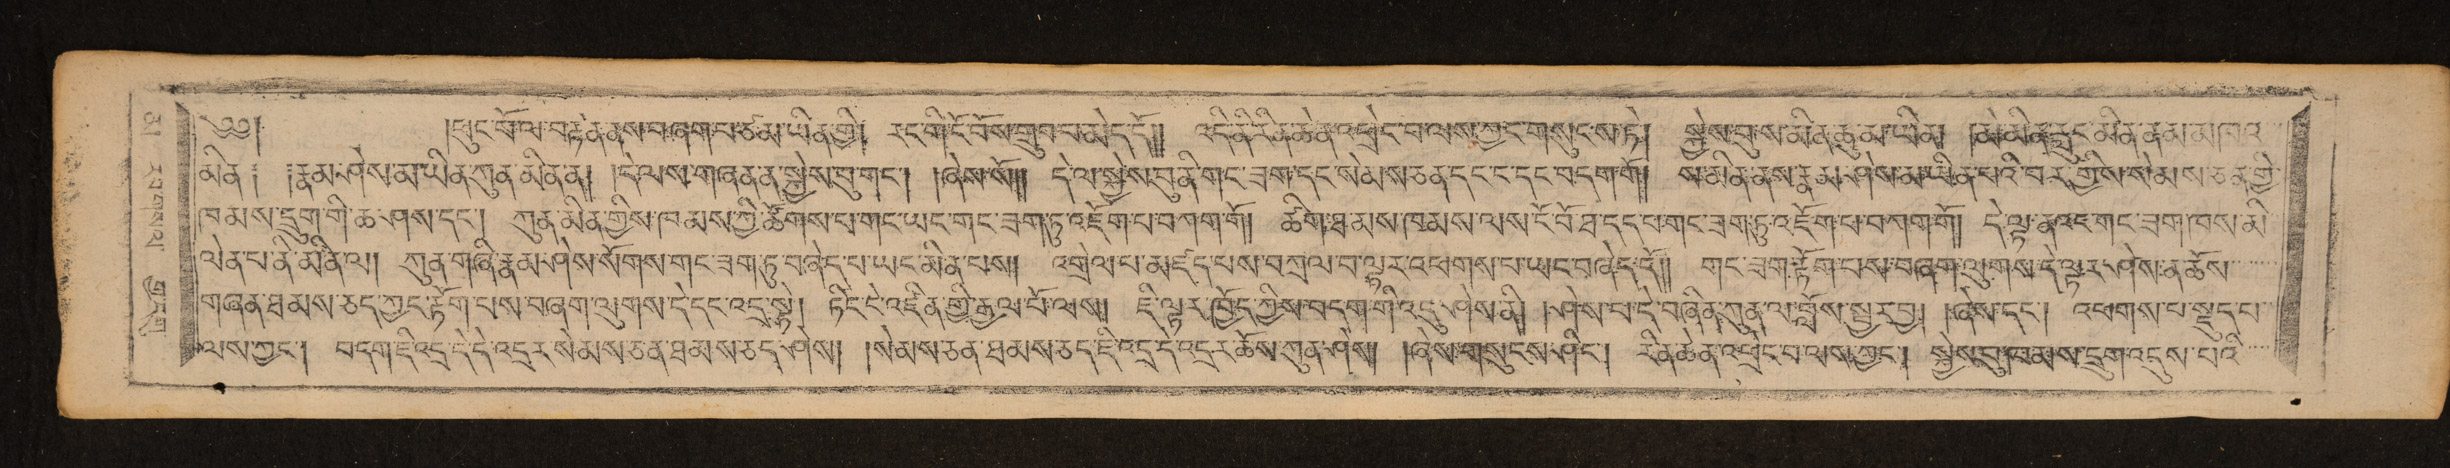༄༅། །ཕུང་པོ་ལ་བརྟེན་ནས་བཞག་པ་ཙམ་ཡིན་གྱི། རང་གི་ངོ་བོས་གྲུབ་པ་མེད་དོ།། འདི་ནི་རིན་ཆེན་འཕྲེང་བ་ལས་ཀྱང་གསུངས་ཏེ། སྐྱེས་བུ་ས་མིན་ཆུ་མ་ཡིན། །མེ་མིན་རླུང་མིན་ནམ་མཁའ་
མིན༑ ༑རྣམ་ཤེས་མ་ཡིན་ཀུན་མིན་ན། །དེ་ལས་གཞན་ན་སྐྱེས་བུ་གང་། །ཞེས་སོ།། དེ་ལ་སྐྱེས་བུ་ནི་གང་ཟག་དང་སེམས་ཅན་དང་ང་དང་བདག་གོ། ས་མིན་ནས་རྣམ་ཤེས་མ་ཡིན་པའི་བར་གྱིས་སེམས་ཅན་གྱི་
ཁམས་དྲུག་གི་ཆ་ཤས་དང་། ཀུན་མིན་གྱིས་ཁམས་ཀྱི་ཚོགས་པ་གང་ཡང་གང་ཟག་ཏུ་འཇོག་པ་བཀག་གོ། ཚིག་ཐ་མས་ཁམས་ལས་ངོ་བོ་ཐ་དད་པ་གང་ཟག་ཏུ་འཇོག་པ་བཀག་གོ། དེ་ལྟ་ནའང་གང་ཟག་ཁས་མི་
ལེན་པ་ནི་མིན་ལ། ཀུན་གཞི་རྣམ་ཤེས་སོགས་གང་ཟག་ཏུ་བཞེད་པ་ཡང་མིན་པས། འགྲེལ་པ་མཛད་པས་བཀྲལ་བ་ལྟར་འཕགས་པ་ཡང་བཞེད་དོ།། གང་ཟག་རྟོག་པས་བཞག་ལུགས་དེ་ལྟར་ཤེས་ན་ཆོས་
གཞན་ཐམས་ཅད་ཀྱང་རྟོག་པས་བཞག་ལུགས་དེ་དང་འདྲ་སྟེ། ཏིང་ངེ་འཛིན་གྱི་རྒྱལ་པོ་ལས། ཇི་ལྟར་ཁྱོད་ཀྱིས་བདག་གི་འདུ་ཤེས་ནི། །ཤེས་པ་དེ་བཞིན་ཀུན་ལ་བློས་སྦྱར་བྱ། །ཞེས་དང་། འཕགས་པ་སྡུད་པ་
ལས་ཀྱང་། བདག་ཇི་འདྲ་དེ་དེ་འདྲར་སེམས་ཅན་ཐམས་ཅད་ཤེས། །སེམས་ཅན་ཐམས་ཅད་ཇི་འདྲ་དེ་འདྲར་ཆོས་ཀུན་ཤེས། །ཞེས་གསུངས་ཤིང་། རིན་ཆེན་འཕྲེང་བ་ལས་ཀྱང་། སྐྱེས་བུ་ཁམས་དྲུག་འདུས་པའི་